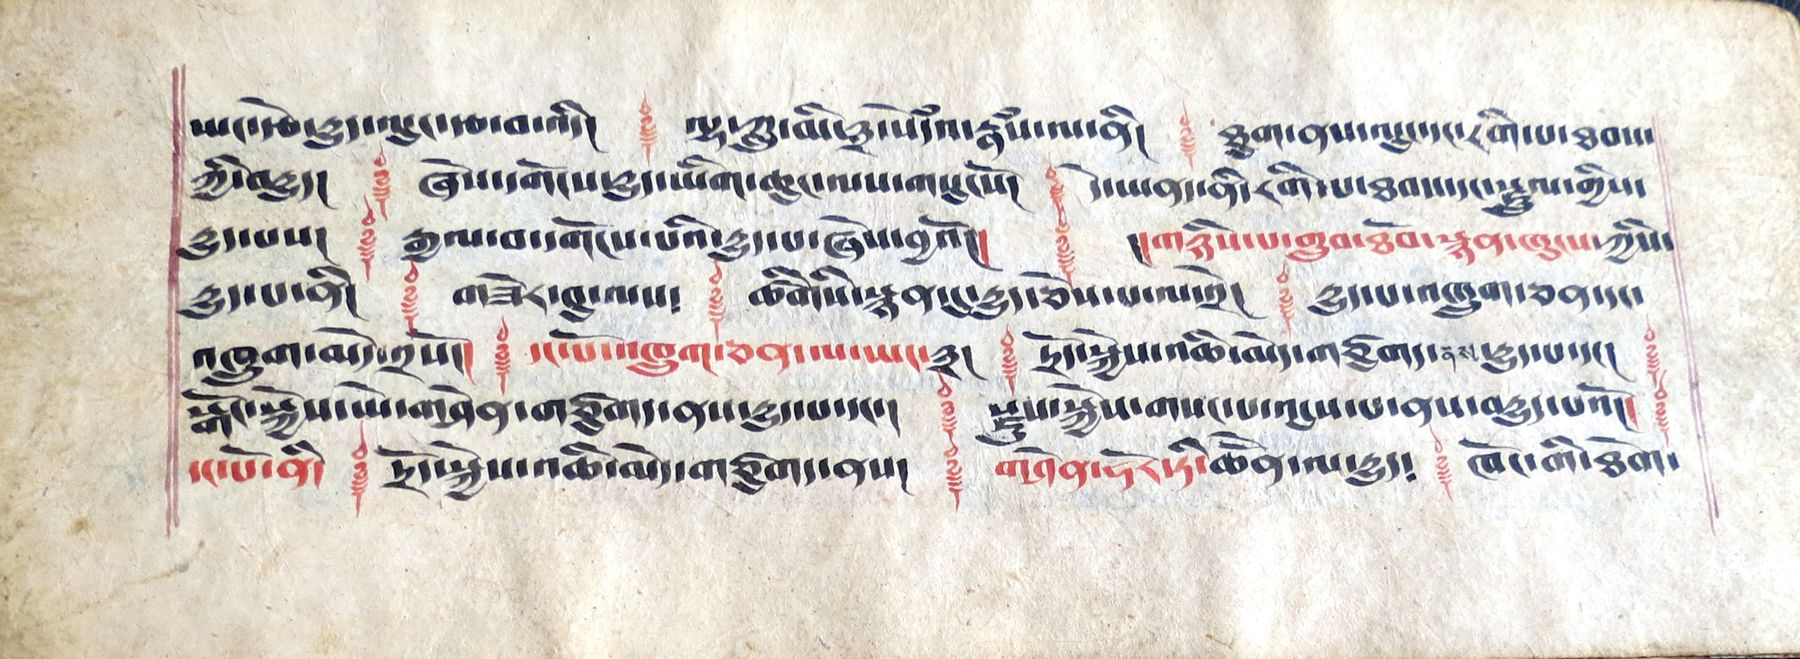ཡང་རྩེ་རྒྱུད་ལུང་རྩ་བ་འདི། ལྷ་ཀླུ་མི་གསུམ་སེམས་དཔའ་རྣམས་ལ་ནི། ཐུགས་ནས་ལུང་དང་རིག་པ་ཐབས་
ཀྱིས་བརྒྱུད། ཞེས་དགོངས་རྒྱུད་ཡིག་ཆུང་ལས་གསུངས་སོ། ། དེ་ཡན་ཆད་ནི་རིག་པ་ཐབས་དང་རྫུ་འཕྲུལ་གྱིས་
བརྒྱུད་པས། རྒྱལ་བ་དགོངས་པའི་བརྒྱུད་པ་ཞེས་བྱའོ། ། གཉིས་པ་གྲུབ་ཐོབ་སྙན་ཁུངས་ཀྱི་
བརྒྱུད་པ་ནི། གཟེར་བུ་ལས། ཚིག་གིས་སྙན་དུ་བརྒྱུད། ། ཅེས་པ་ལ་གཉིས་ཏེ། བརྒྱུད་པ་འཁྲུག་ཅན་དང་
འཁྲུག་མེད་གཉིས་སོ། ། དང་པོ་འཁྲུག་ཅན་ལ་ཡང་གསུམ། དྲོད་སྐྱེས་འཆི་མེད་གཙུག་ཕུད་ནས་བརྒྱུད་པ་དང་། 
སྒོང་སྐྱེས་ཡེ་གཤེན་གཙུག་ཕུད་ནས་བརྒྱུད་པ་དང་། རྫུས་སྐྱེས་གསང་བ་འདུས་པ་ནས་བརྒྱུད་པའོ། ། 
དང་པོ་ནི། དྲོད་སྐྱེས་འཆི་མེད་གཙུག་ཕུད་ནས། གཤེན་ཧོར་ཏི་ཆེན་པོ་ལ་བརྒྱུད། ཁོང་གིས་ཐེག་